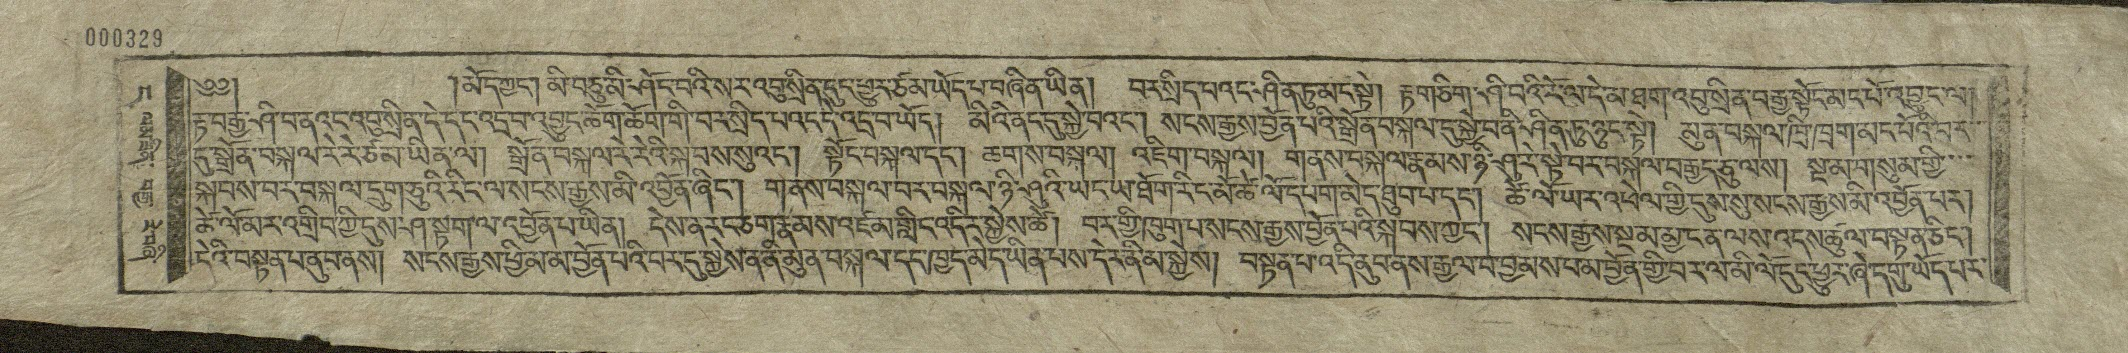༄༅། །མོད་ཀྱང་། མི་བཅུ་མི་ཤོང་བའི་སར་འབུ་སྲིན་དུང་ཕྱུར་ཙམ་ཡོད་པ་བཞིན་ཡིན། བར་སྲིད་པའང་ཤིན་ཏུ་མང་སྟེ། རྟ་གཅིག་ཤི་བའི་རོ་ལ་དེ་མ་ཐག་འབུ་སྲིན་བརྒྱ་སྟོང་མང་པོ་འབྱུང་ལ།
རྟ་བརྒྱ་ཤི་བ་ནའང་འབུ་སྲིན་དེ་དང་འདྲ་བ་འབྱུང་ཆོག་ཆོག་གི་བར་སྲིད་པའང་དེ་འདྲ་བ་ཡོད། མིའི་ནང་དུ་སྐྱེ་བའང་། སངས་རྒྱས་བྱོན་པའི་སྒྲོན་བསྐལ་དུ་སྐྱེ་བ་ནི་ཤིན་ཏུ་ཉུང་སྟེ། མུན་བསྐལ་ཁྲི་ཁྲག་མང་པོའི་བར་
དུ་སྒྲོན་བསྐལ་རེ་རེ་ཙམ་ཡིན་ལ། སྒྲོན་བསྐལ་རེ་རེའི་སྐབས་སུའང་། སྟོང་བསྐལ་དང་། ཆགས་བསྐལ། འཇིག་བསྐལ། གནས་བསྐལ་རྣམས་ཉི་ཤུ་རེ་སྟེ་བར་བསྐལ་བརྒྱད་ཅུ་ལས། སྔ་མ་གསུམ་གྱི་
སྐབས་བར་བསྐལ་དྲུག་ཅུའི་རིང་ལ་སངས་རྒྱས་མི་འབྱོན་ཞིང་། གནས་བསྐལ་བར་བསྐལ་ཉི་ཤུའི་ཡང་ཡ་ཐོག་རིང་མོ་ཚེ་ལོ་དཔག་མེད་ཐུབ་པ་དང་། ཚེ་ལོ་ཡར་འཕེལ་གྱི་དུས་སུ་སངས་རྒྱས་མི་འབྱོན་པར།
ཚེ་ལོ་མར་འགྲིབ་ཀྱི་དུས་ཤ་སྟག་ལ་འབྱོན་པ་ཡིན། དེས་ན་རང་ཅག་རྣམས་འཛམ་གླིང་འདིར་སྐྱེས་ཚེ། བར་གྱི་ཁུག་པ་སངས་རྒྱས་བྱོན་པའི་སྐབས་ཀྱང་། སངས་རྒྱས་སྔ་མ་མྱ་ངན་ལས་འདས་ཚུལ་བསྟན་ཅིང་།
དེའི་བསྟན་པ་ནུབ་ནས། སངས་རྒྱས་ཕྱི་མ་མ་བྱོན་པའི་བར་དུ་སྐྱེས་ན་ནི་མུན་བསྐལ་དང་ཁྱད་མེད་ཡིན་པས་དེར་ནི་མ་སྐྱེས། བསྟན་པ་འདི་ནུབ་ནས་རྒྱལ་བ་བྱམས་པ་མ་བྱོན་གྱི་བར་ལ་མི་ལོ་དུང་ཕྱུར་ཞེ་དགུ་ཡོད་པར་